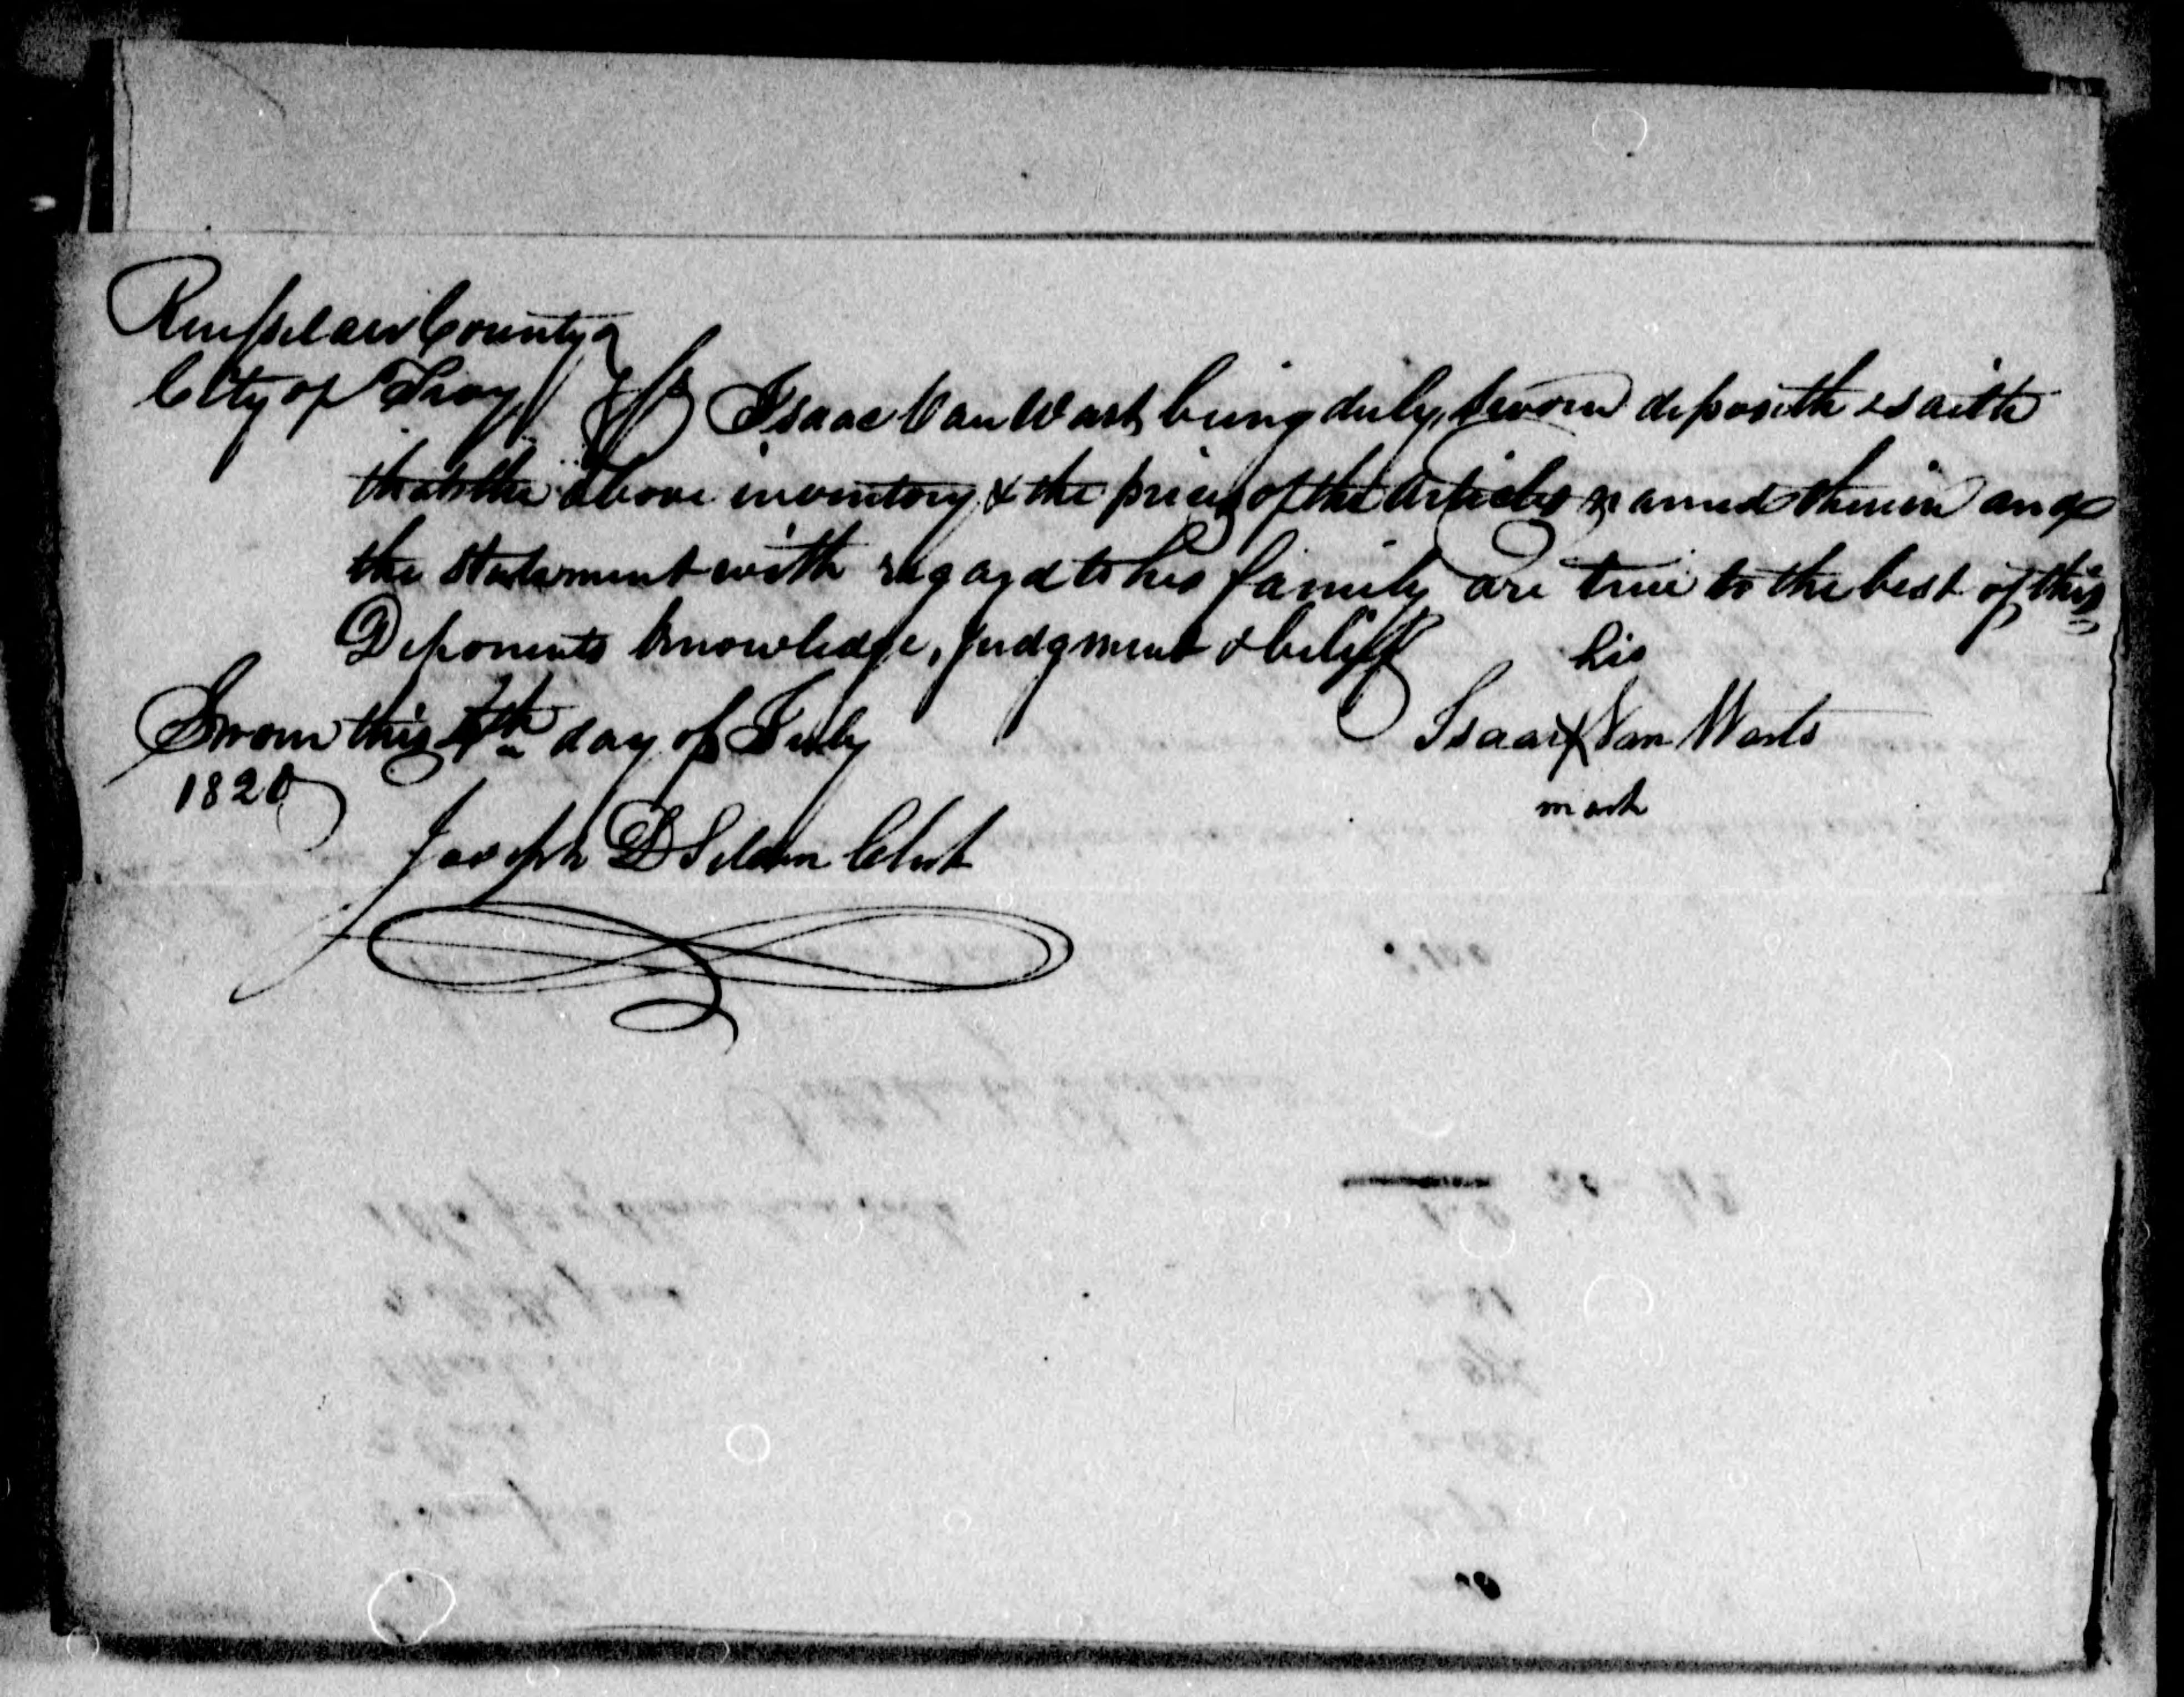Rensselaer County 
City of Troy } ss  Isaac Van Wart being duly sworn deposeth & saith that the above inventory & the prices of the Articles named therein and the statement with regard to his family are true to the best of this Deponents knowledge, Judgment & belief 
[signed] Isaac Van Wart  X  his mark
Sworn this 4th day of July 1820
[signed] Joseph D Selden  Clerk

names: Isaac Van Wart, Isaac Van Warts, Joseph D Selden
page: 87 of 102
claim: widow's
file: W. 18239, Isaac Van Wart, New York